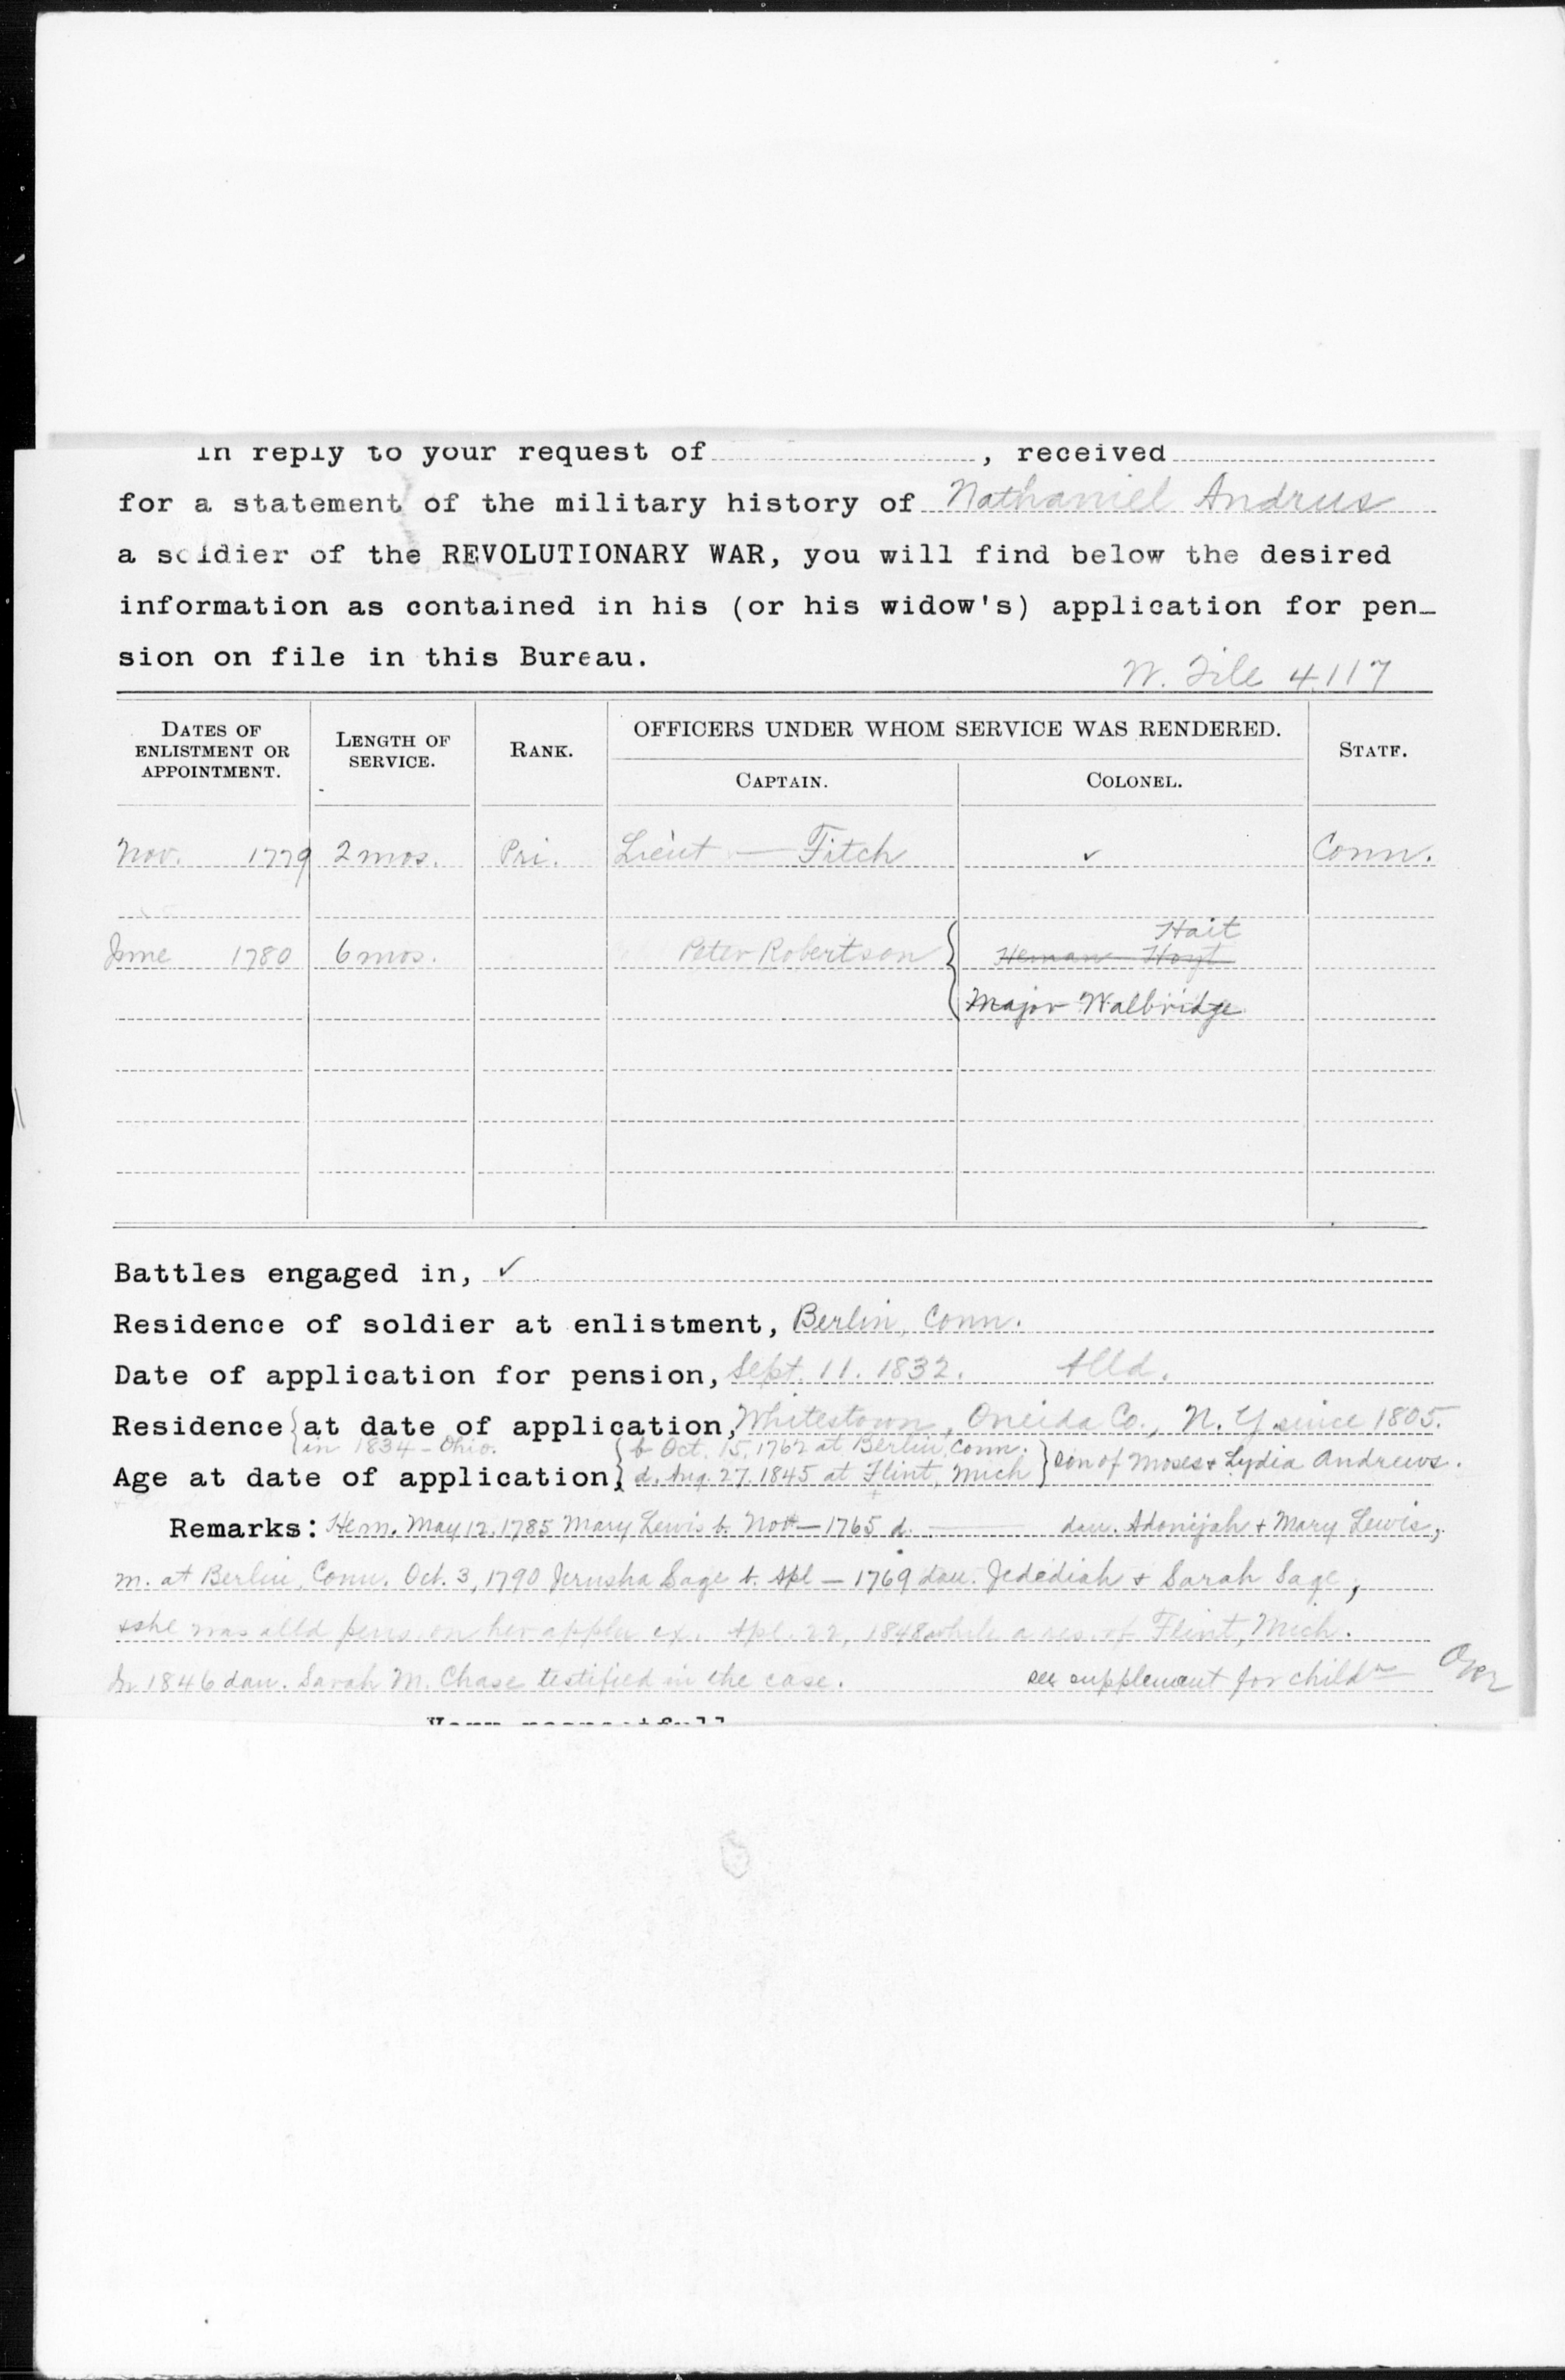in reply to your request of, received
for a statement of the military history of Nathaniel Andrews
a soldier of the REVOLUTIONARY WAR, you will find below the desired
information as contained in his (or his widow's ) application for pension
on file in this Bureau.
W. File 4.117
DATES OF
ENLISTMENT OR
APPOINTMENT.
Nov. 1779
June 1780
LENGTH OF
SERVICE.
2 mos
6 mos
RANK.
Pri
OFFICERS UNDER WHOM SERVICE WAS RENDERED.
CAPTAIN.
Lieut Fitch
Peter Robertson
COLONEL.
Hait
Major Walbridge
STATE.
Conn
Battles engaged in,
Date of application for pension, Sept. 11, 1832. 
Residence of soldier at enlistment, Berlin, Conn.
Residence at date of application, Whitestown, Oneida Co. N.Y. 1805.
Age at date of application, b Oct. 15, 1762 at Berlin, Conn.
d. Aug. 27, 1845 at Flint, Mich
son of Moses & Lydia Andrews
Remarks: Hem. May 12, 1785 Mary Lewis b. Nov - 1765. d. dau. Adonijah & Mary Lewis,
M. at Berlin, Conn. Oct. 3, 1790 Jerusha Sage W. b. Apl - 1769 dau. Jedediah & Sarah Sage,
she was alld pension on her application Apl. 22,1848 while at Flint, Mich.
In 1846 dau, Sarah M. Chase testified in the case. see supplement for childn Over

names: Walbridge, Peter Robertson, Fitch, Lydia Andrews, Nathaniel Andrus, Jedidiah Sage, Moses Andrews, Hait, Sarah Sage, Sarah M Chase, Jerusha Sage, Mary Lewis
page: 73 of 78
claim: widow's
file: W. 4117, Nathaniel Bradley, Conn.